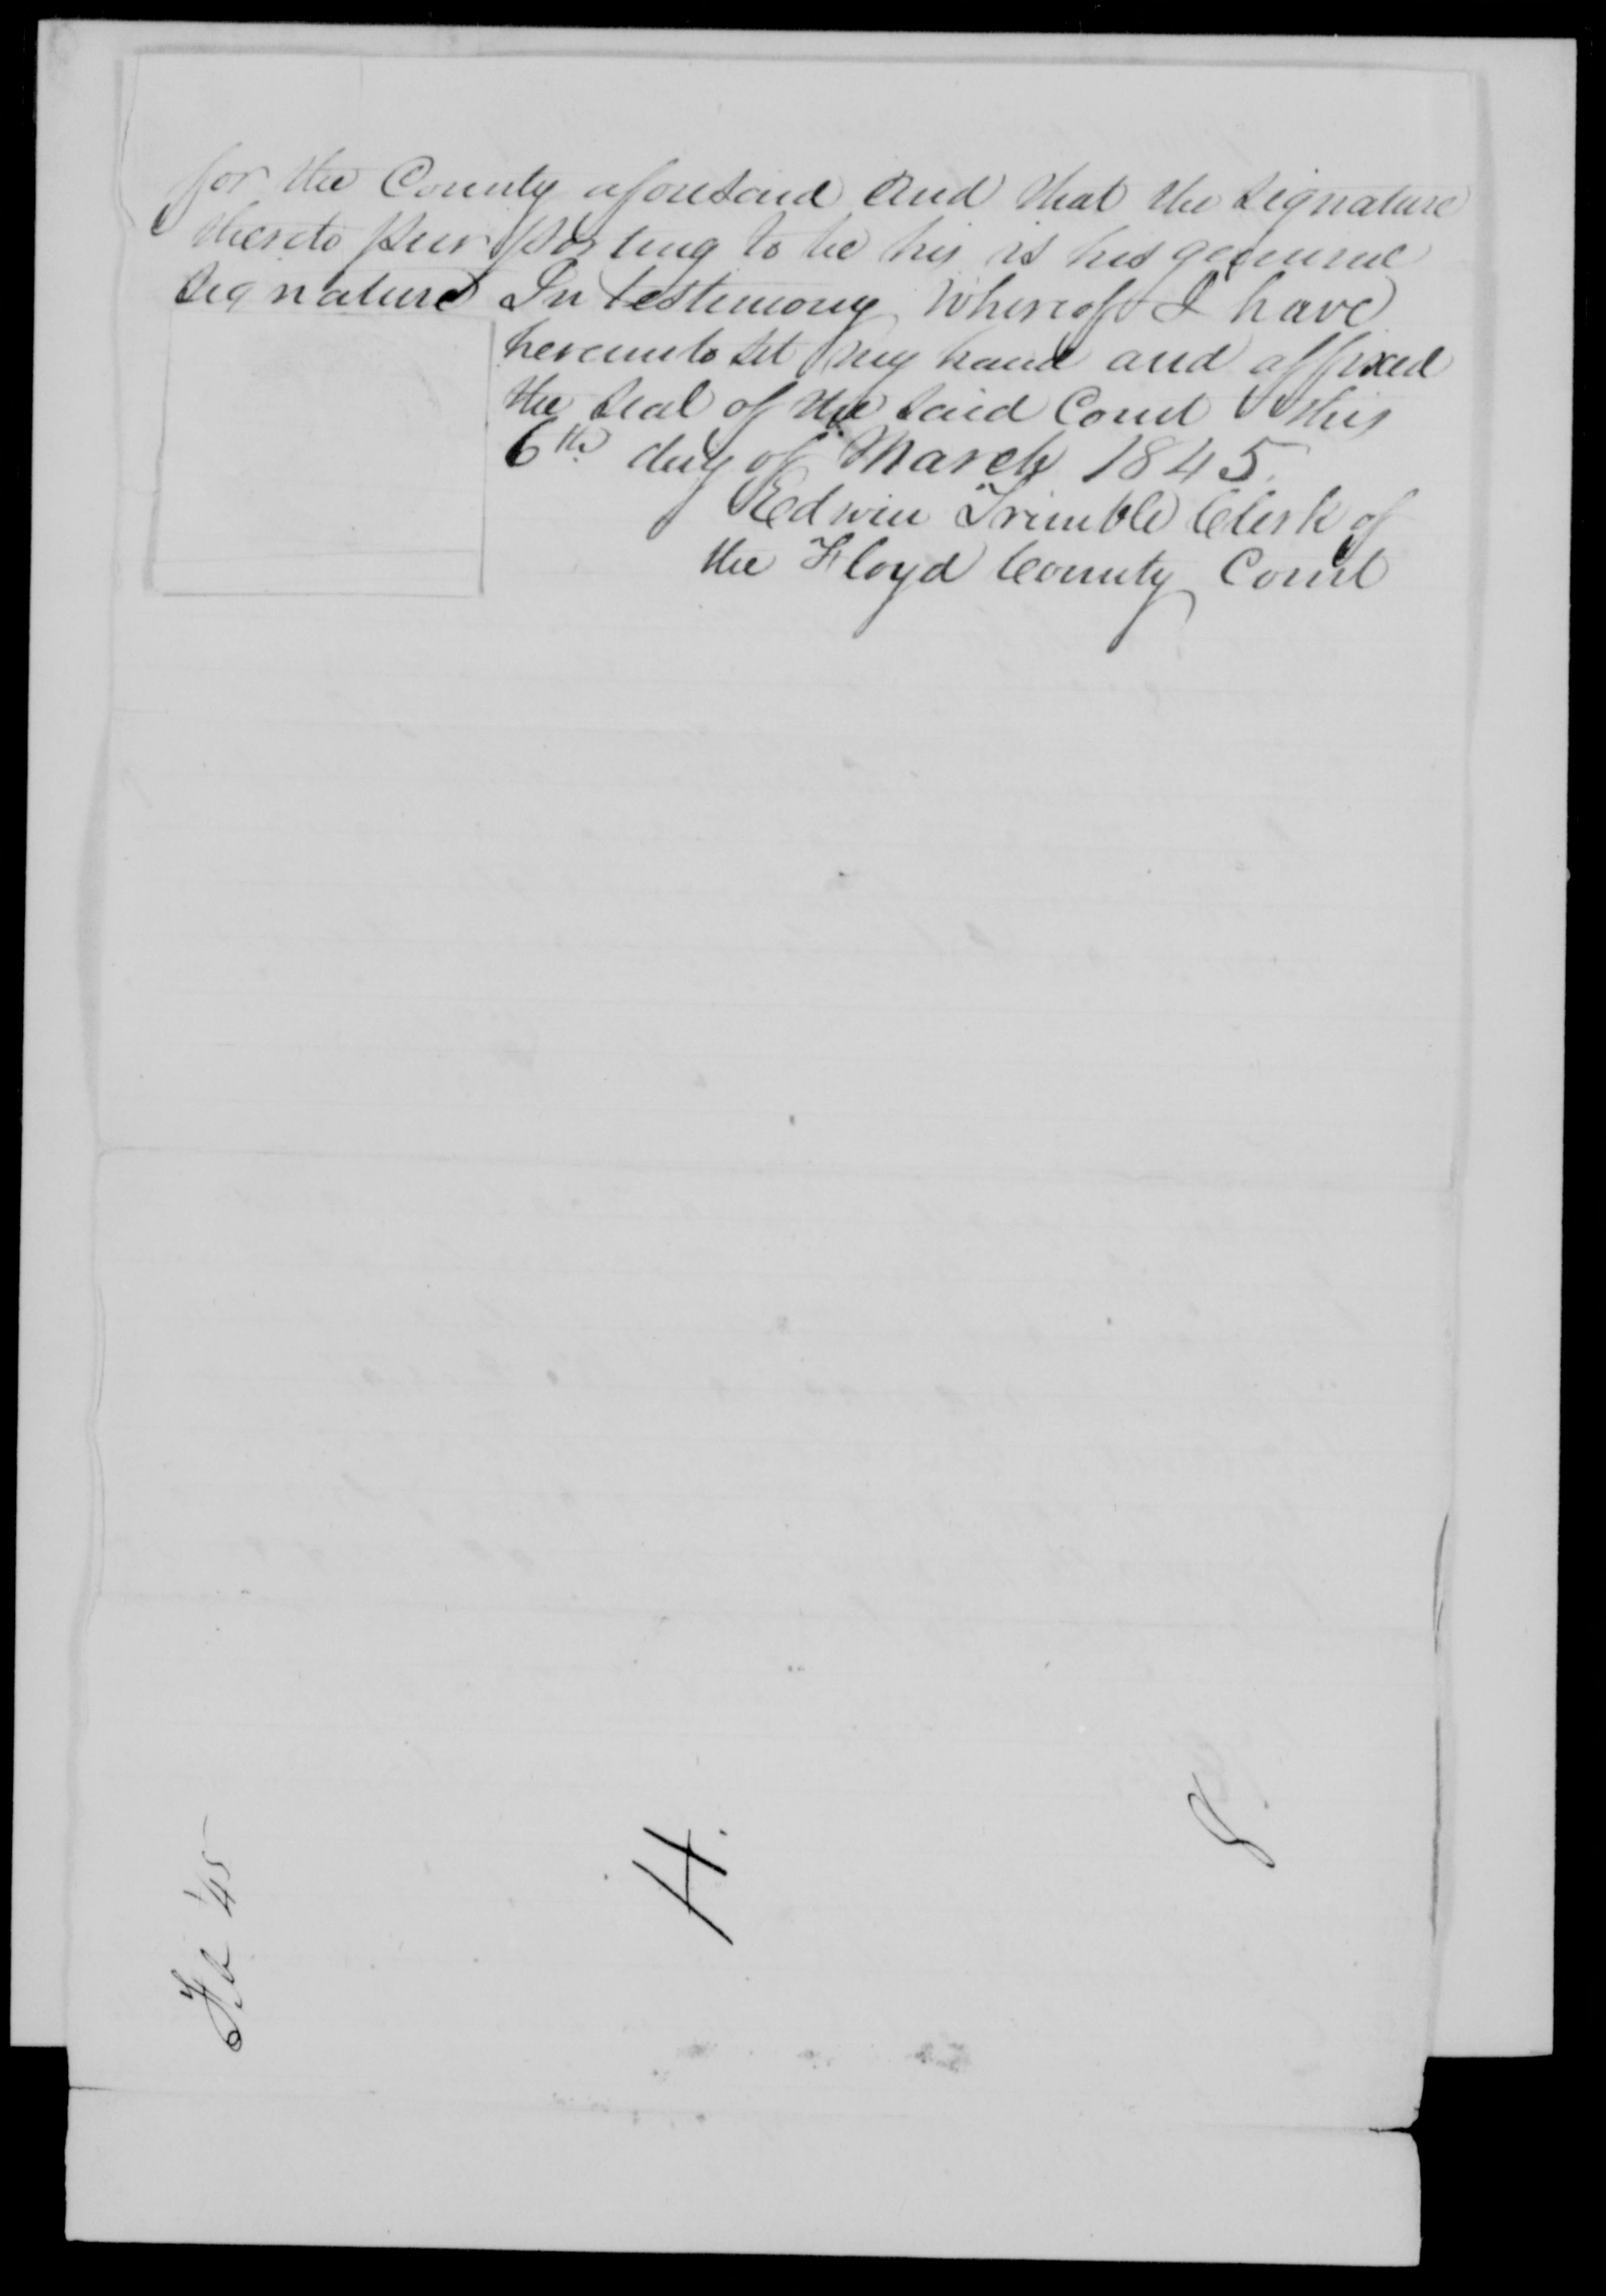for the County aforesaid and that the signature
thereto purporting to be his is his genuine signature.
In testimony whereof I have
hereunto set my hand and affixed
the Seal of the said Court this
6th day of March 1845
Edwin Trimble Clerk of
the Floyd County Court



Feb '45

H

8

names: Edwin Trimble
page: 64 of 100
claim: widow's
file: W. 6437, Richard Wells, Ga Va.